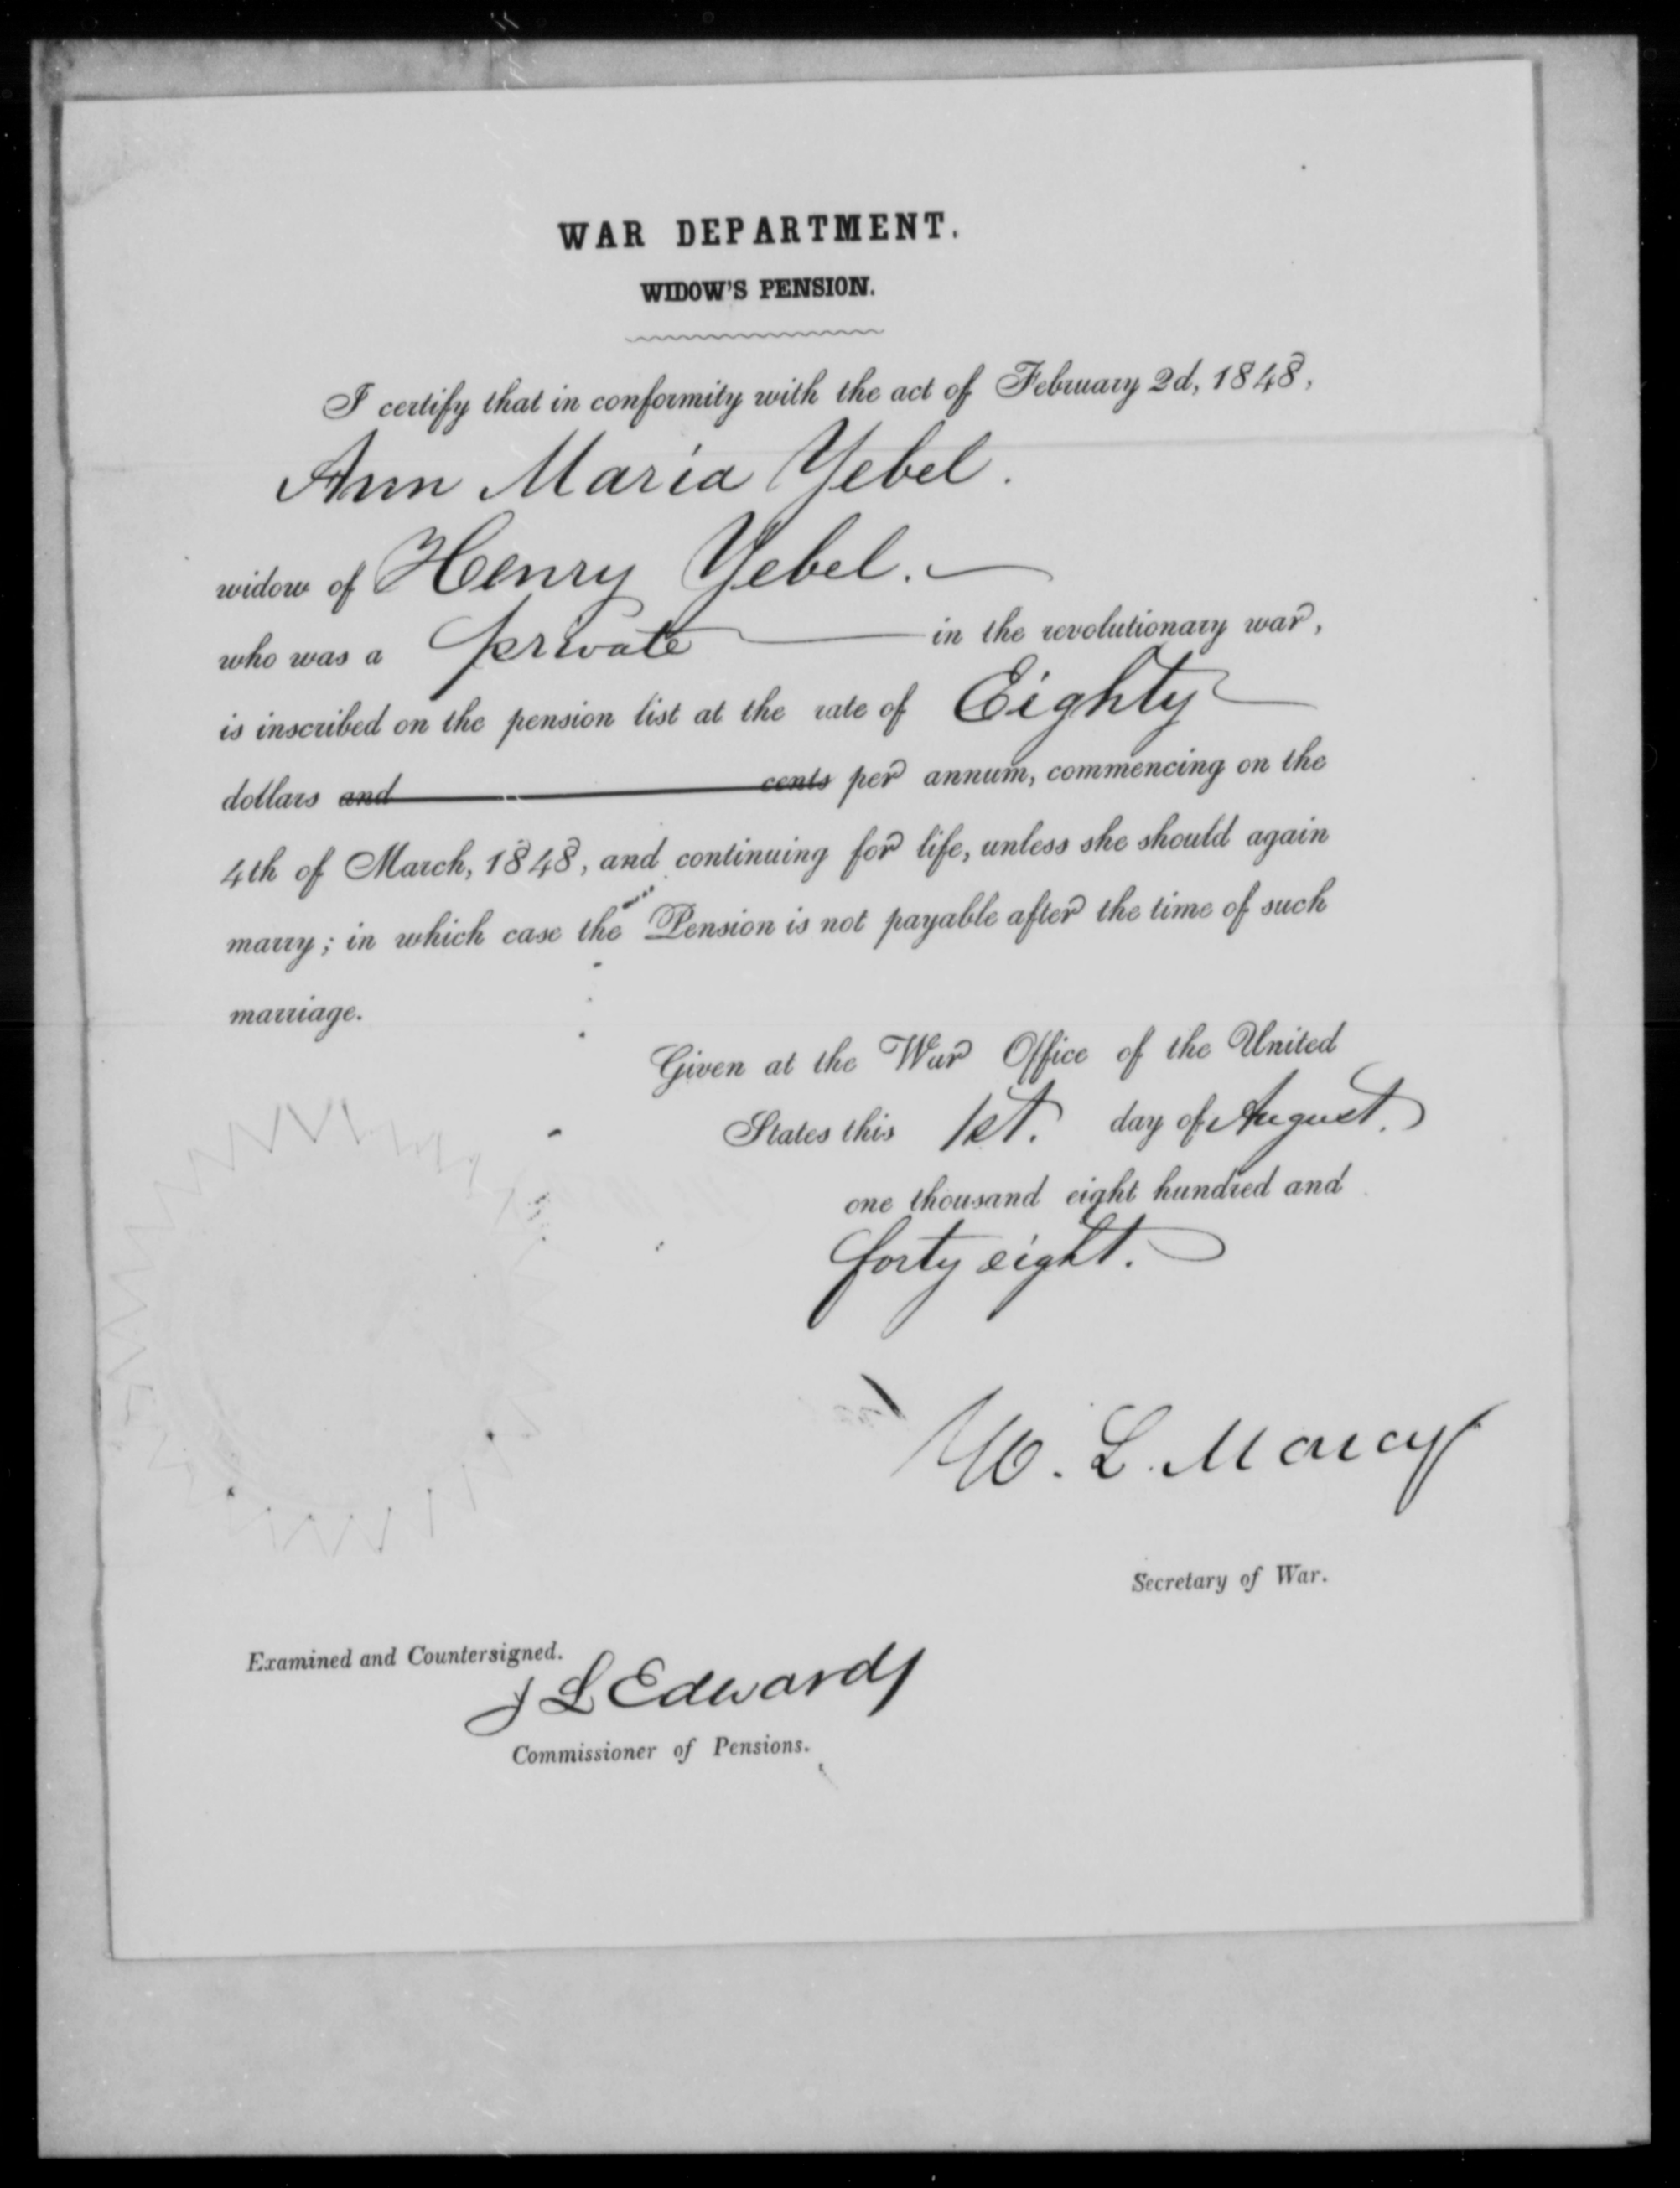WAR DEPARTMENT.
WIDOW'S PENSION.

I certify that in conformity with the act of February 2d, 1848,
Ann Maria Yebel widow of Henry Yebel
who was a
private in the revolutionary war,
is inscribed on the pension list at the rate of Eighty dollars  per annum, commencing on the
4th of March, 1848, and continuing for life, unless she should again
marry; in which case the Pension is not payable after the time of such marriage.
Given at the War Office
of the United States
this 1st day of August,
one thousand eight hundred and forty eight.
W.L. Marcy
Secretary of War.
Examined and Countersigned.
J L Edwards
Commissioner of Pensions.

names: Henry Yebel, W L Marcy, Ann Maria Yebel, J L Edwards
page: 65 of 75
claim: widow's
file: W. 3326, Henry Yebel, Continental (Penn.)